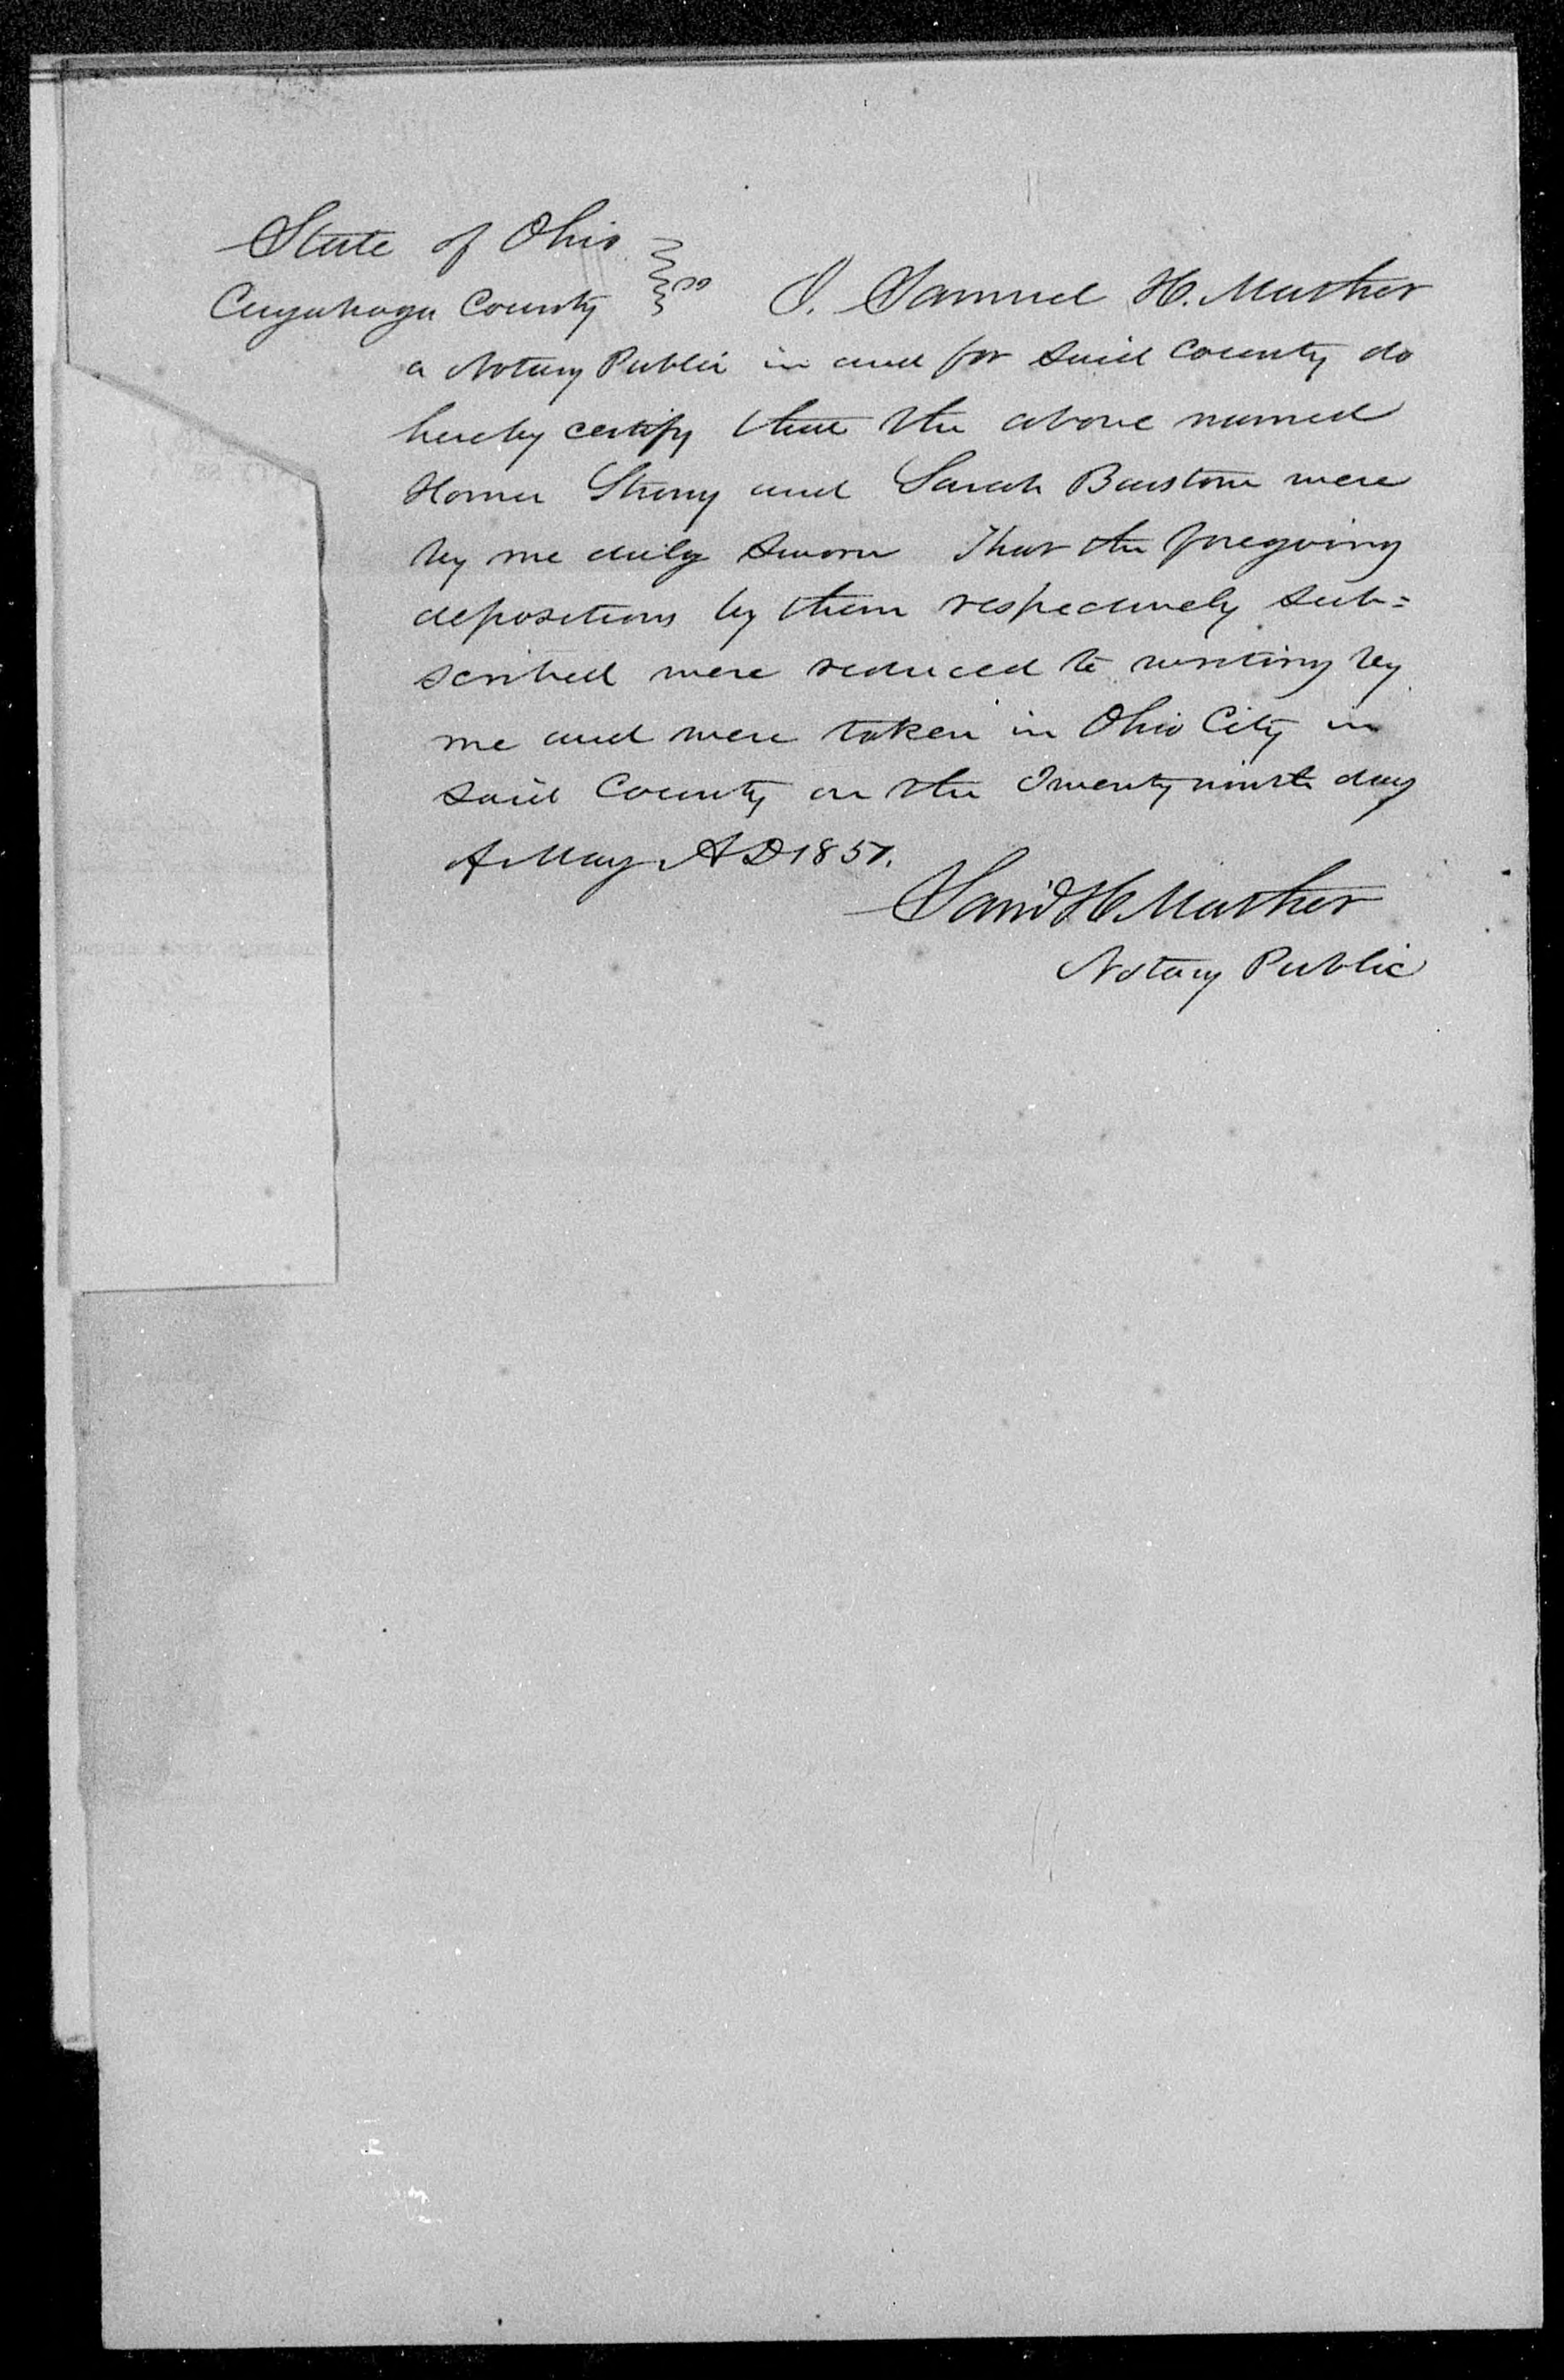State of Ohio
Cuyahoga County } ss.

I Samuel H Mather a Notary Public in and for said county do hereby certify that the above named Homer Strong and Sarah Barstow were by me duly sworn. That the foregoing depositions by them respectively subscribed were reduced to writing by me and were taken in Ohio City in said County on the twenty ninth day of May AD 1857.

Saml H Mather
Notary Public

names: Homer Strong, Sarah Barstow, Samuel H Mather, Saml H Mather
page: 46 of 53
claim: rejected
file: R. 3732, Jesse Fox, Conn.